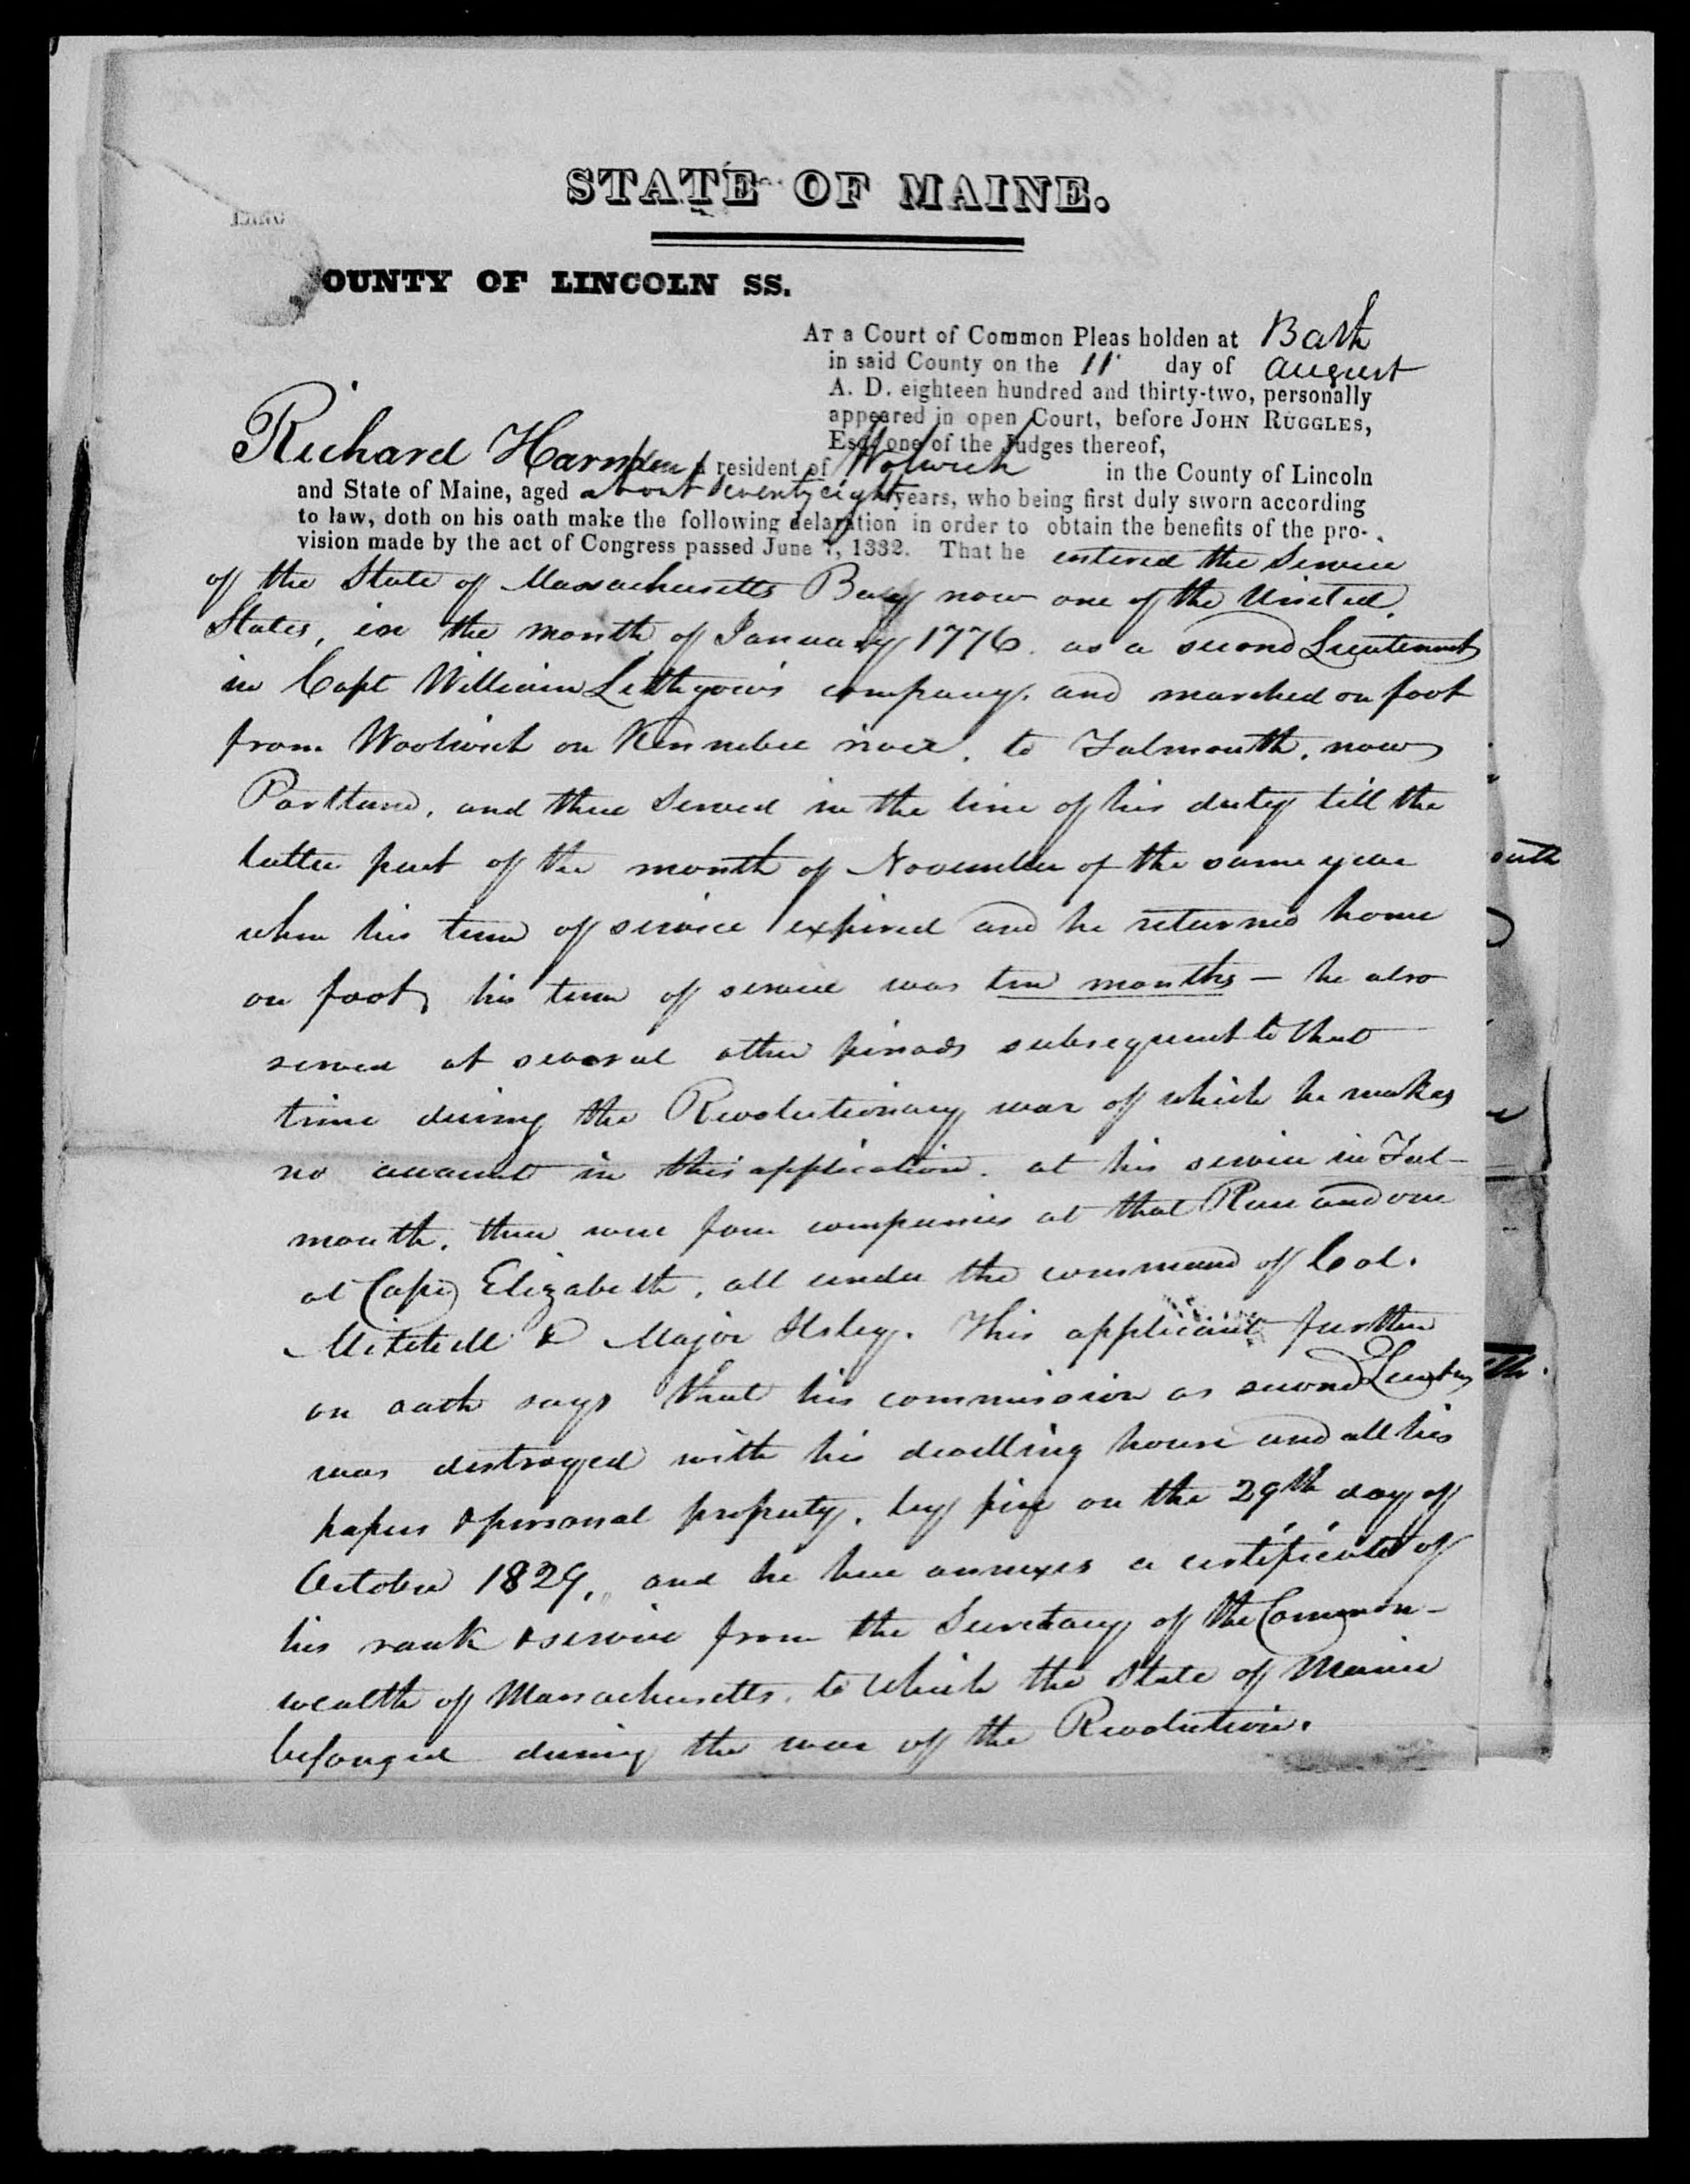State of Maine
--OUNTY OF LINCOLN SS.
At a Court of Common Pleas holden at Bath in said county on the 11 day of August A.D. eighteen and thirty two, personally appeared in open Court, before John Ruggles, Esq, one of the Judges thereof
Richard Harnden a resident of Woolwich in the County of Lincoln and State of Maine, aged about seventy eight years, who being first duly sworn according to law, doth on his oath make the following declaration in order to obtain the benefits of the provision made by the act of Congress passed June 7, 1832. That he entered the Service of the State of Massachusetts Bay now one of the United States, in the month of January 1776 as a second Lieutenant in Capt William Lithgows company and marched on foot from Woolwich on the Kennebec river to Falmouth, now Portland and there served in the line of his duty till the latter part of the month of November of the same year when his term of service expired and he returned home on foot, his term of service was ten months-he also served at several other periods subsequent to that time during the Revolutionary war of which he makes no account in the application. at his service in Falmouth there were four companies at that Place and were at Cape Elizabeth, all under the command of Col Mitchell and Major Haley.
This applicant further on oath says that his commission as second Lieutenant was destroyed with his dwelling house and all his papers and personal property by fire on the 29th day of October 1829 and he has annexed a certificate of his rank and service from the  Secretary of the Commonwealth of Massachusetts, to which the State of Maine belonged during the Revolution.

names: Ilsley, Richard Harnden, John Ruggles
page: 5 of 10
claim: survivor's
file: S. 29,195, Richard Harnden, Mass.